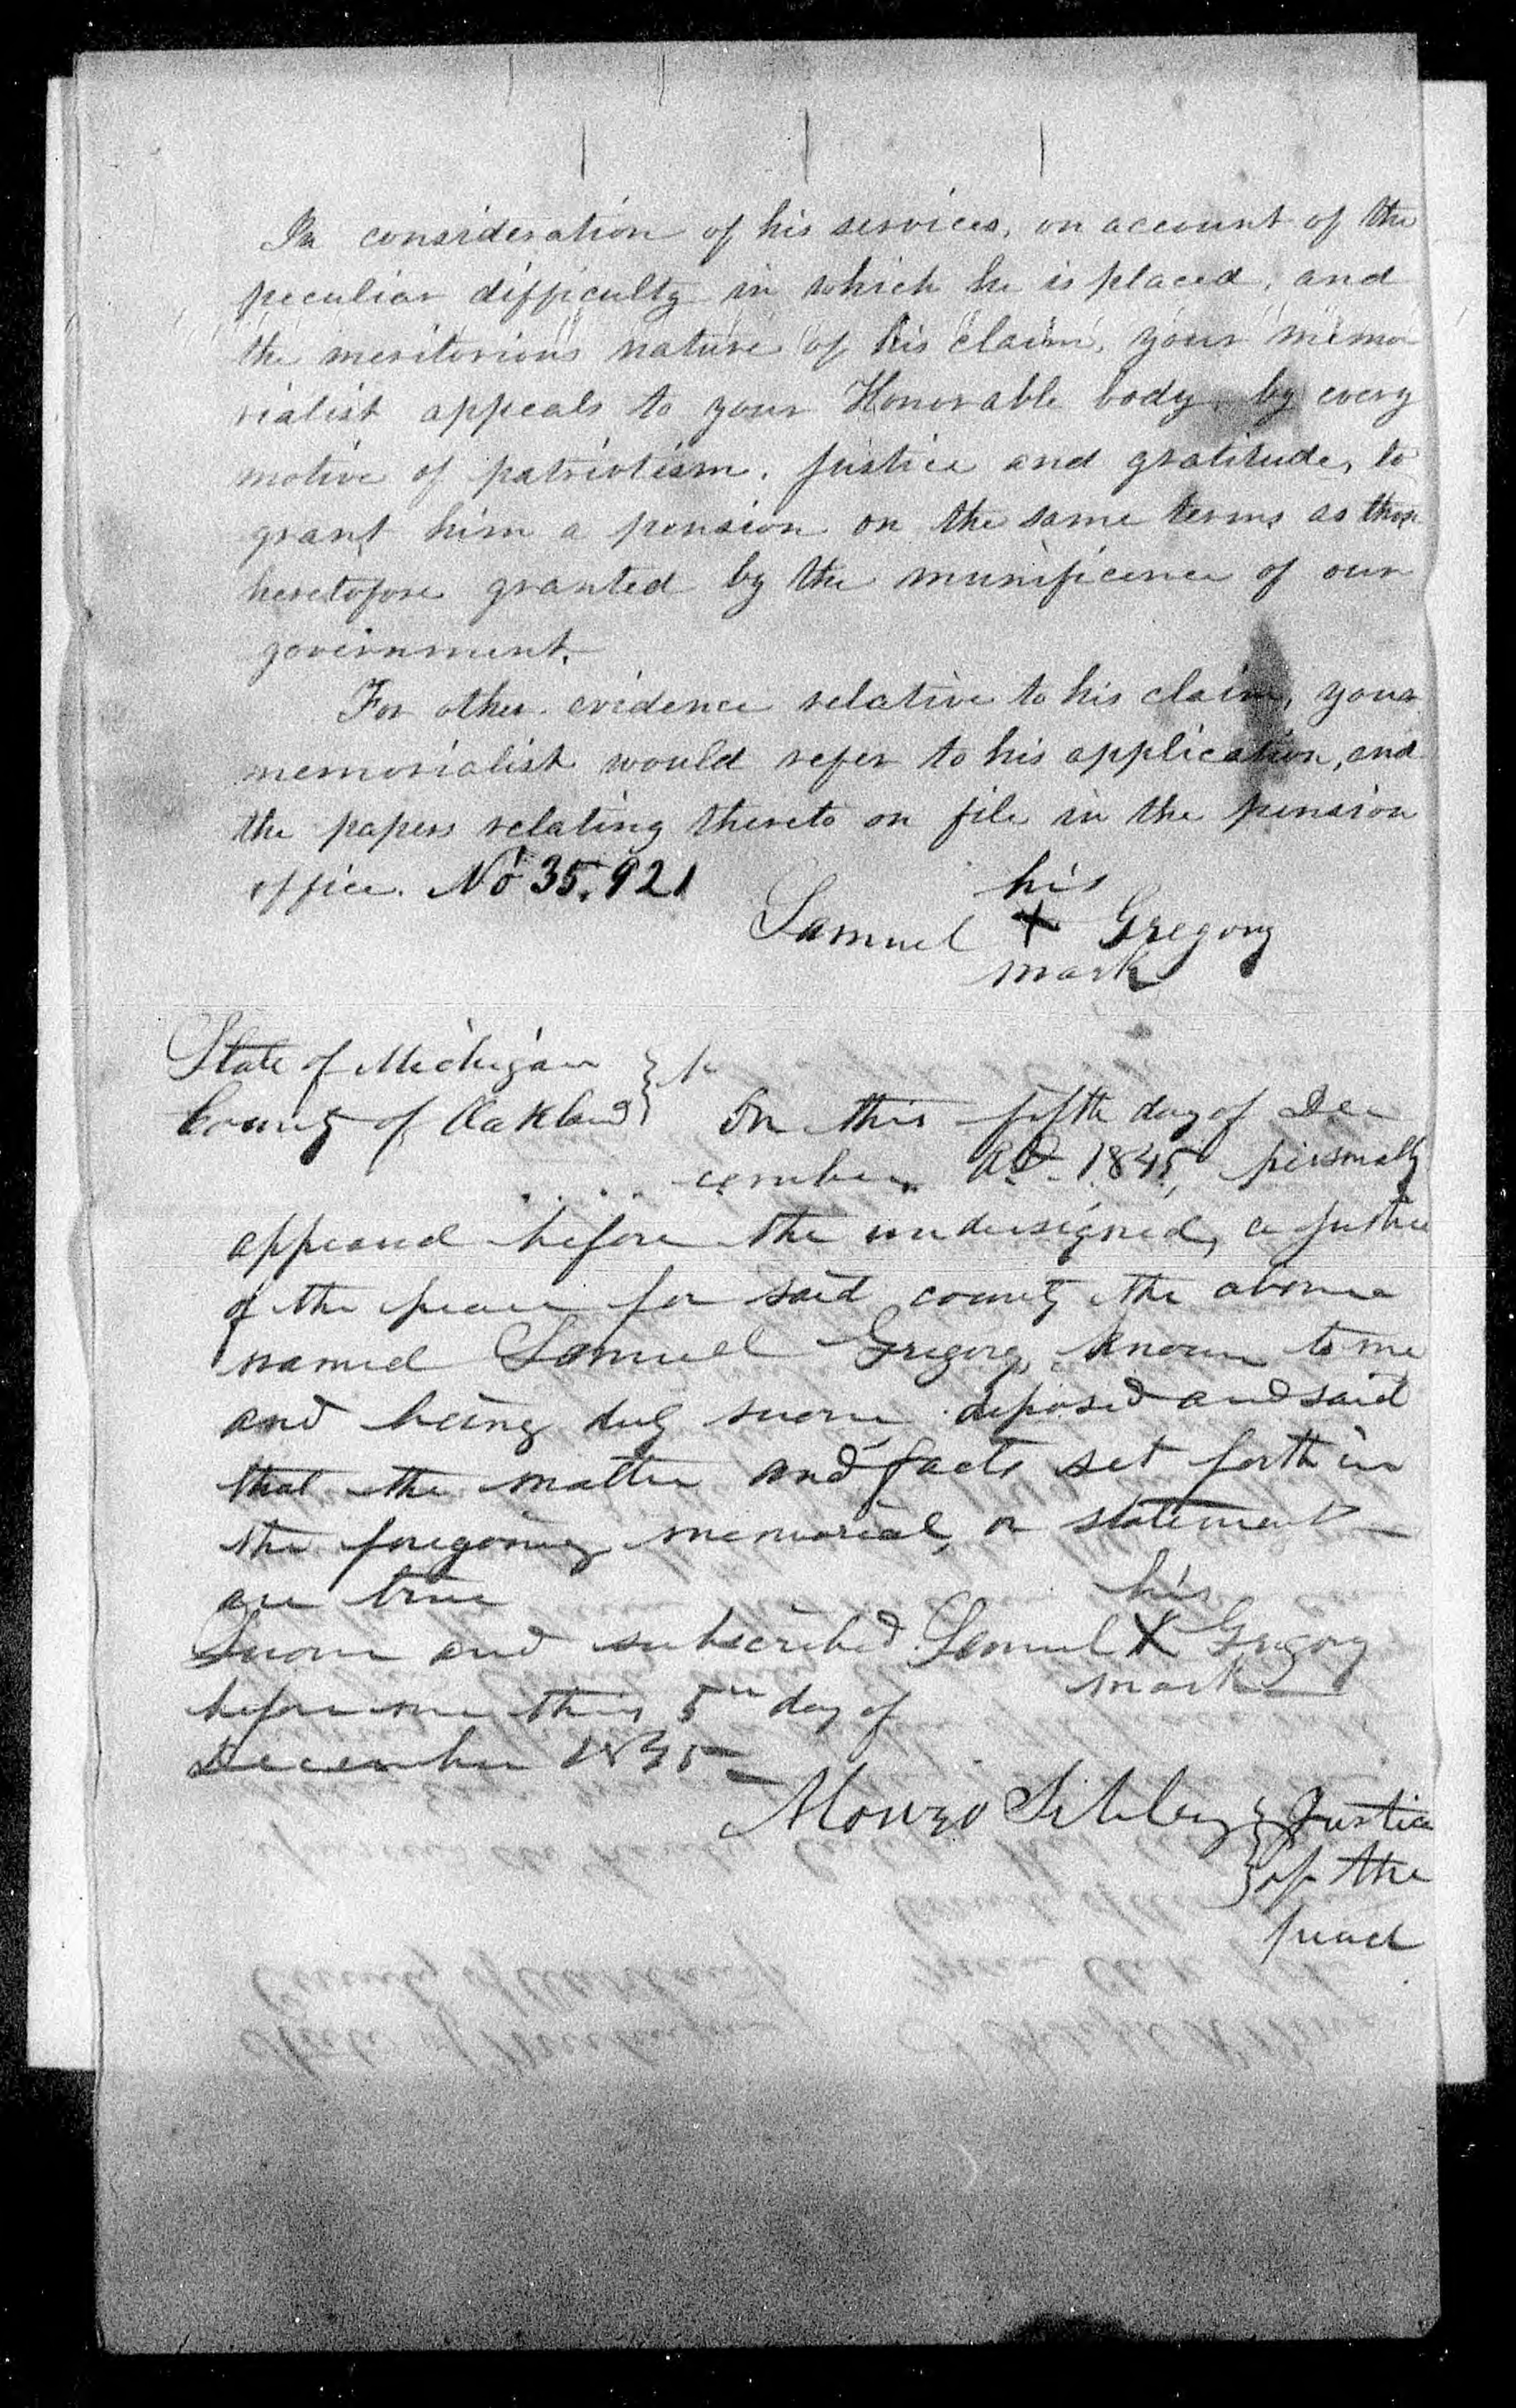In consideration of his services, on account of the peculiar difficulty in which he is placed, and the meritorious nature of his claim, your memorialist appeals to your honorable body, by every motive of patriotism. Justice and gratitude, to grant him a pension on the same terms as the heretofor granted by the munificence of our government.
For other evidence relative to him claim your memorialist would refer to his application, and the paper relating thereto on file in the Pension office. No 35,921

[signed]  Samuel his X mark Gregory

State of Michigan
County of Oakland  SS On this fifth day of December AD 1845 personally appeared before the undersigned, a Justice of the Peace for said county the above named Samuel Gregory known to me and being duly sworn deposed and said that the matter and facts set forth in the foregoing memorial or statement are true
Sworn and subscribed before me this 5th day of December 1835

[signed] Samuel his X mark Gregory

Alonzo Sibley Justice of the Peace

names: Samuel Gregory, Samuel Gregory, Samuel Gregory, Alonzo Sibley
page: 18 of 66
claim: rejected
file: R. 4298, Samuel Gregory, New York